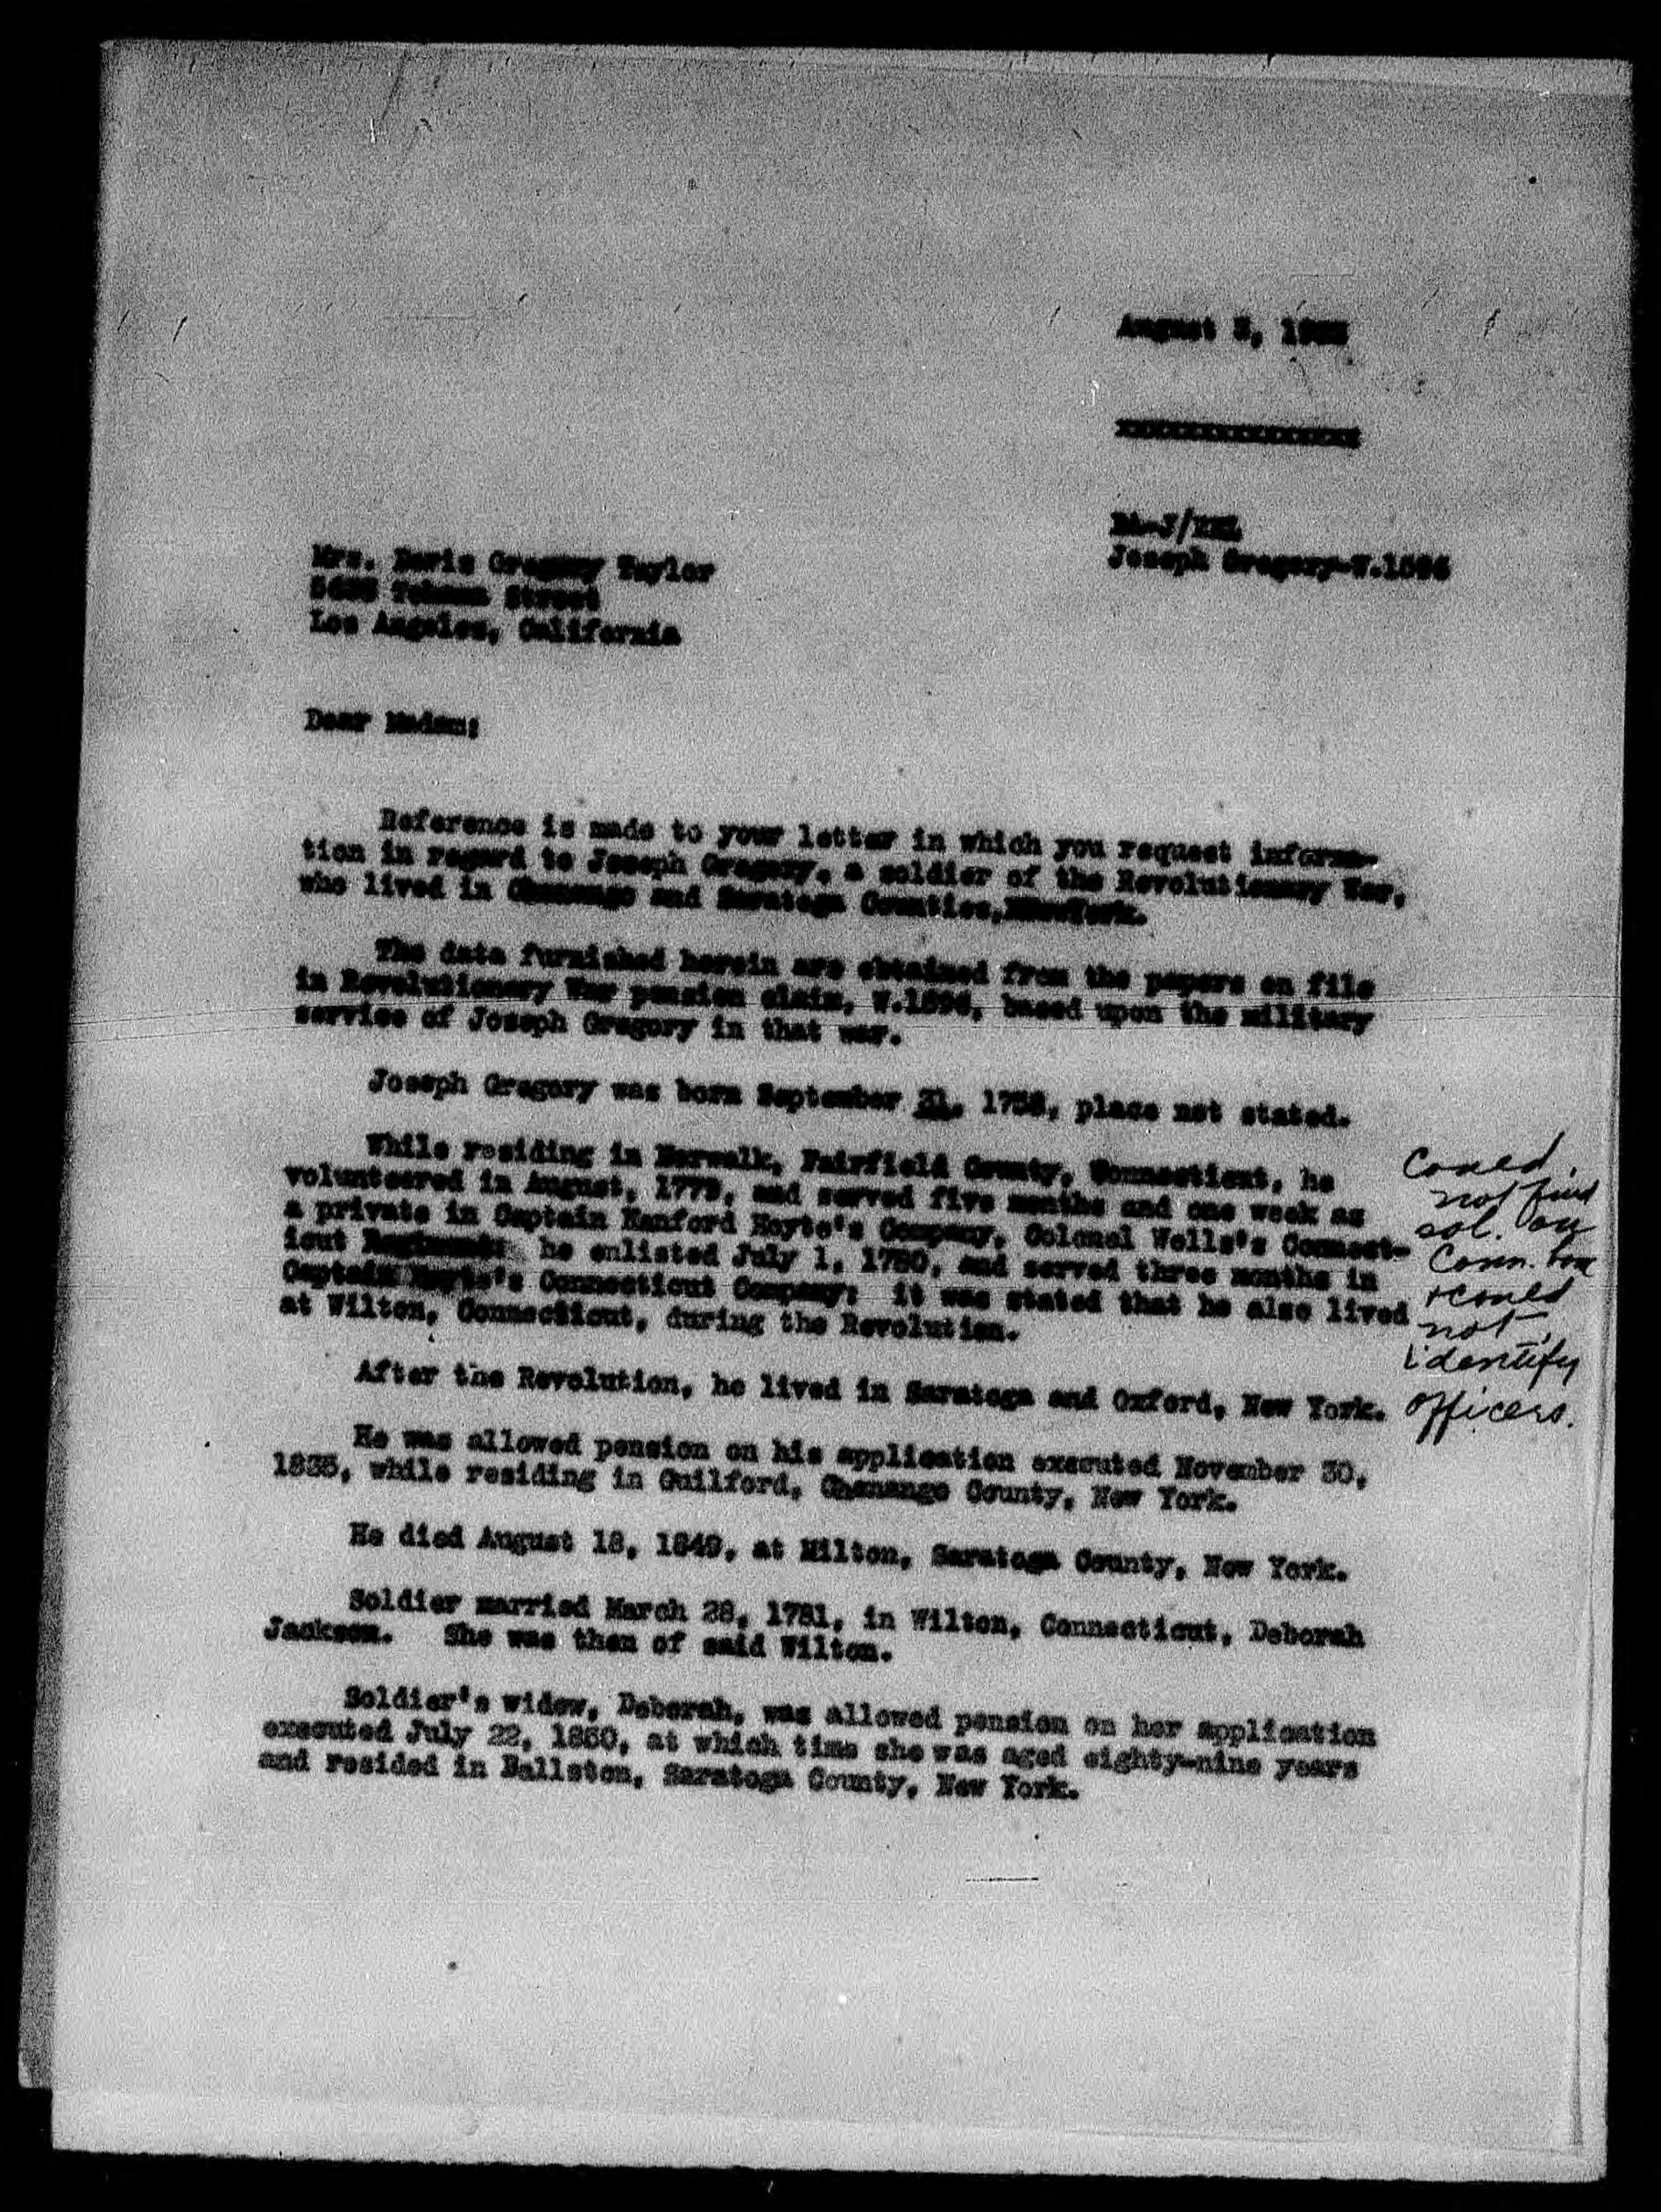August 8, 1932

Mrs. Doris Gregory Taylor  
Los Angeles, California  

Dear Madam:  

Reference is made to your letter in which you request information in regard to Joseph Gregory, a soldier of the Revolutionary War, who lived in Canisteo and Saratoga Counties, New York.  

The data furnished herein are obtained from the papers on file in the Revolutionary War pension claim, S.1604, based upon the military service of Joseph Gregory in that war.  

Joseph Gregory was born September 23, 1756, place not stated.  

While residing in Norwalk, Fairfield County, Connecticut, he volunteered in August 1776, and served five months and one week as a private in Captain Lockwood’s Company, Colonel Wolcott’s Connecticut Regiment, enlisted July 1, 1780, and served three months in Captain Betts’s Connecticut Company. It is stated that he also lived at Wilton, Connecticut, during the Revolution.  

After the Revolution, he lived in Saratoga and Oxford, New York.  

He was allowed pension on his application executed November 30, 1833, while residing in Guilford, Chenango County, New York.  

He died August 18, 1840, at Milton, Saratoga County, New York.  

Soldier married March 28, 1781, in Wilton, Connecticut, Deborah Jackson. She was then of said Wilton.  

Soldier’s widow, Deborah, was allowed pension on her application executed July 22, 1850, at which time she was aged eighty-three years and resided in Ballston, Saratoga County, New York.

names: Joseph Gregory, Joseph Gregory, Davis Gregory Taylor, Joseph Gregory, Deborah, Joseph Gregory, Deborah Jackson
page: 8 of 34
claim: widow's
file: W. 1596, Joseph Gregory, Conn.